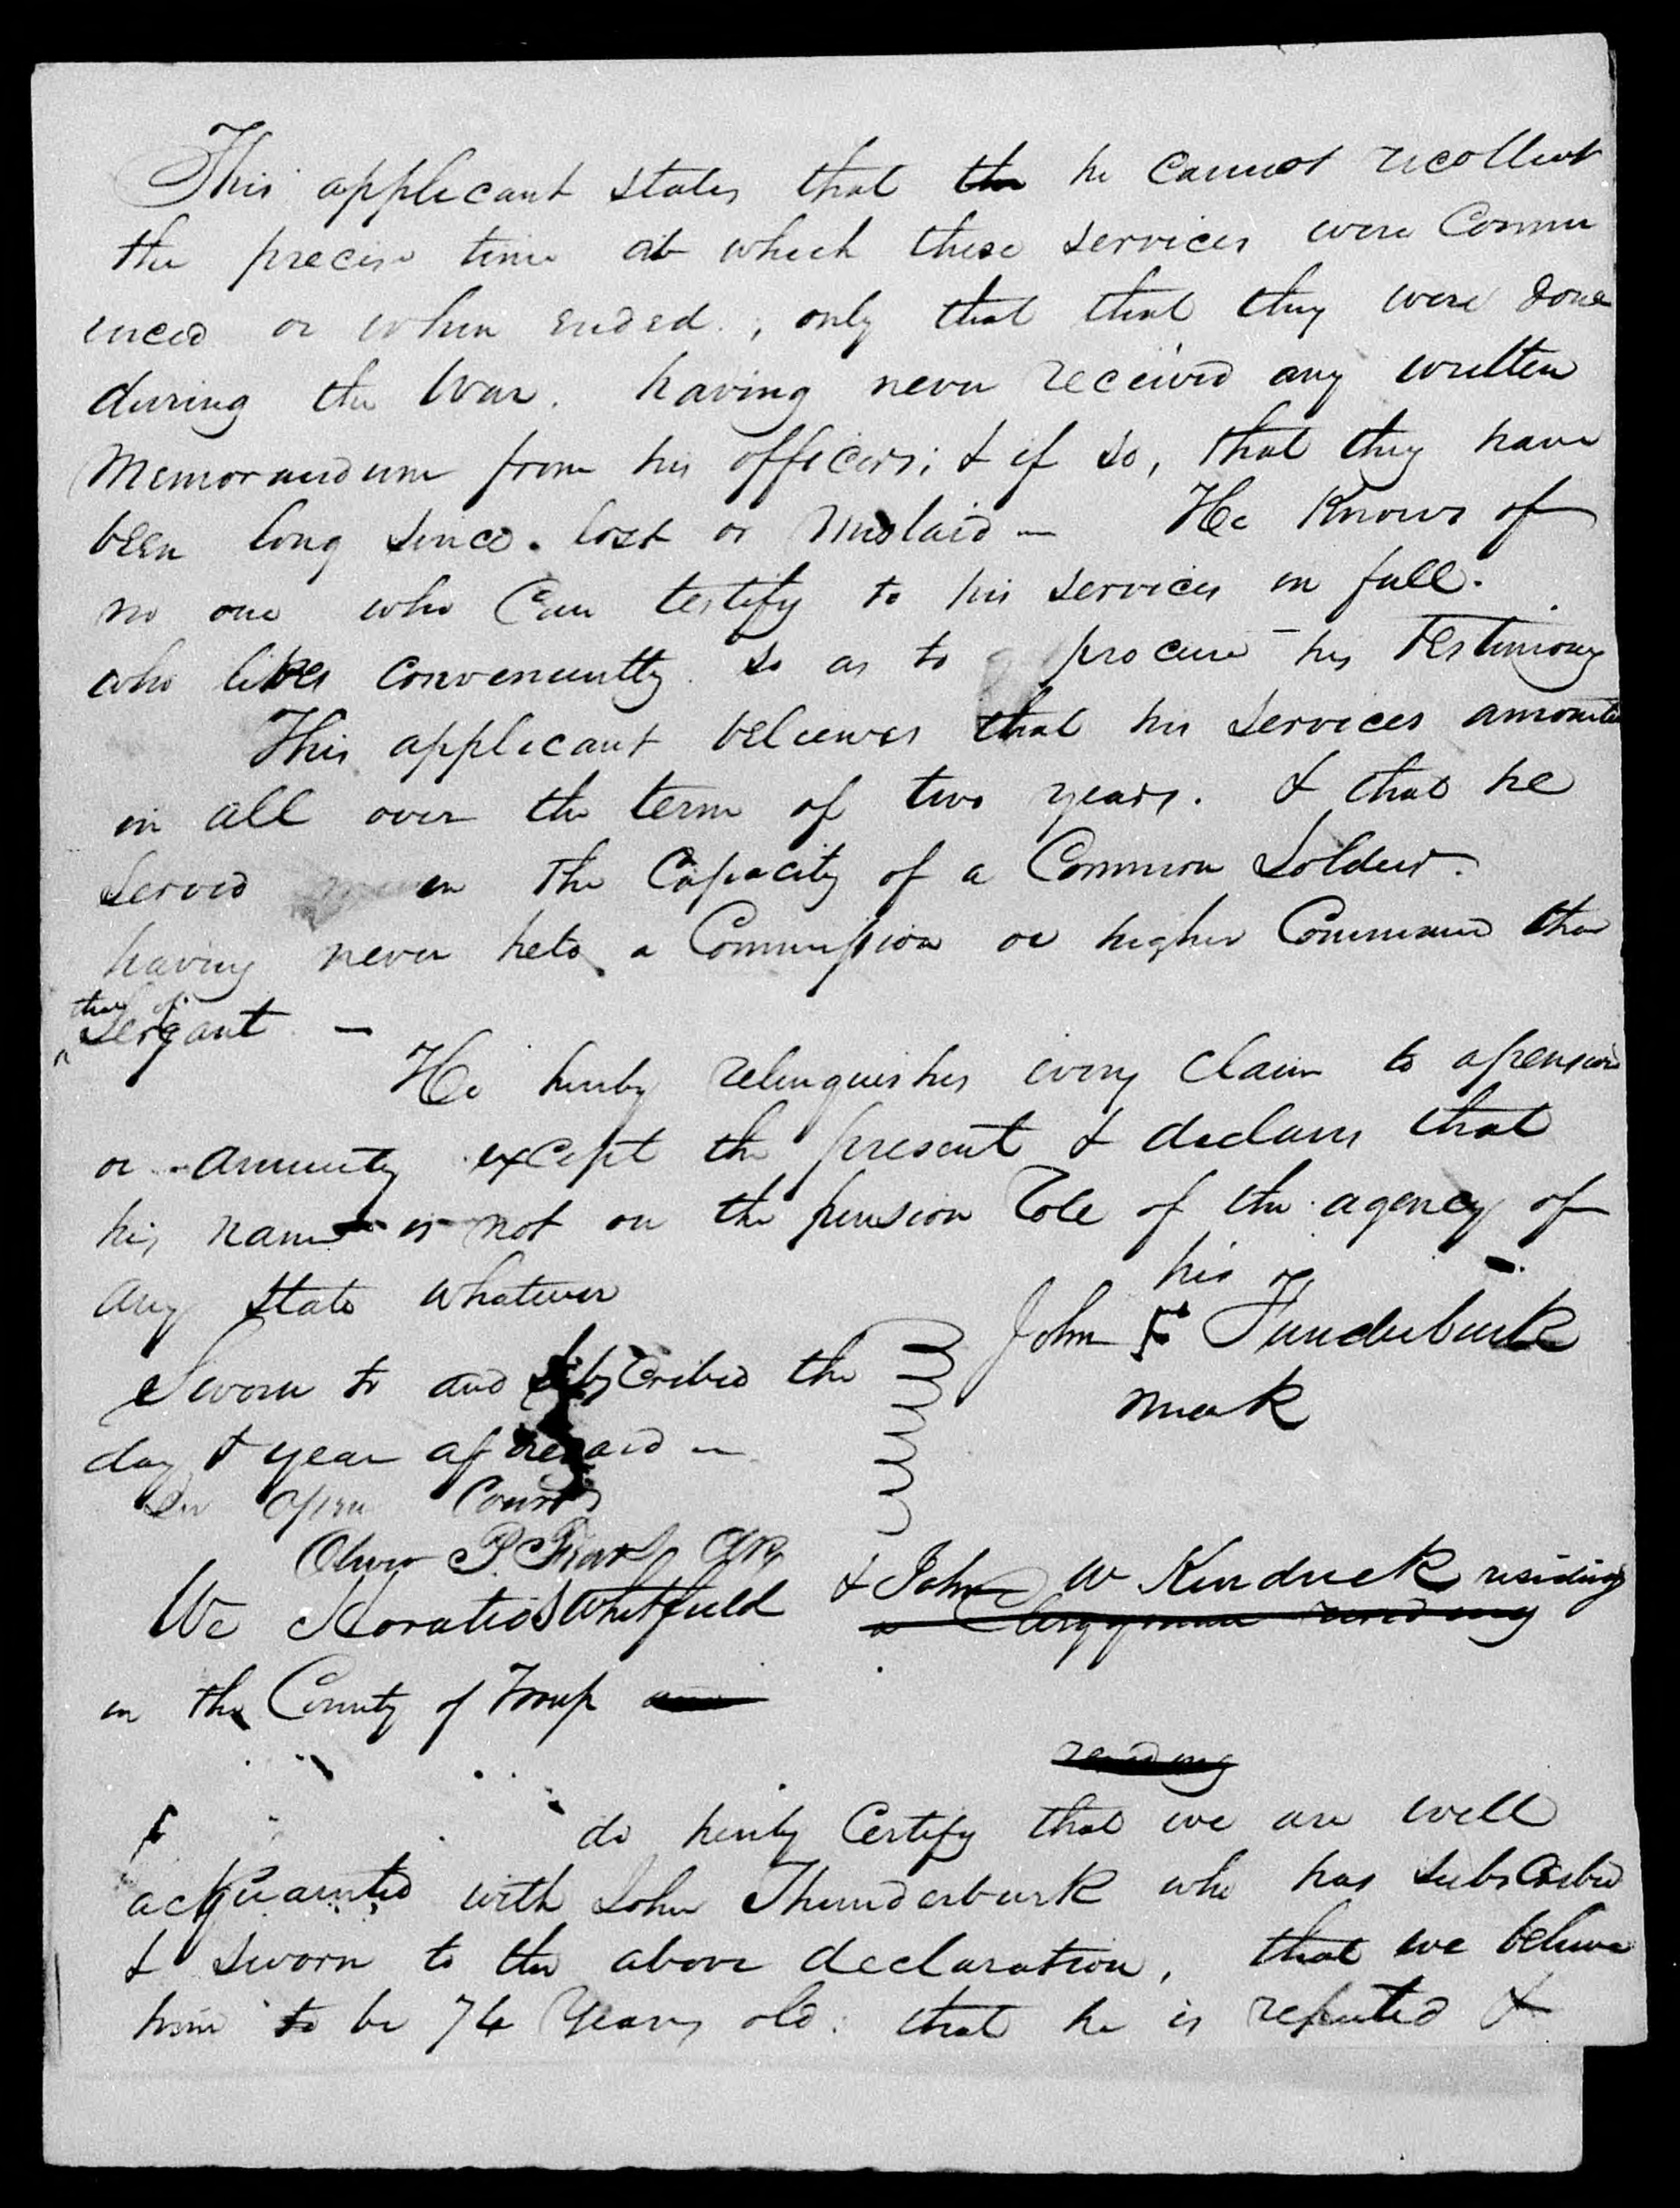This applicant states that he cannot recollect
the precise time at which these services were comm
enced or when ended, only that that [sic] they were done
during the War. having never received any written
memorandum from his officers; & if so, that they have
been long since lost or mislaid -- He knows of
no one who can testify to his services in full.
who lives conveniently so as to procure his testimony

This applicant believes that his services amounted
in all over the term of two years. & that he
served in the capacity of a Common Soldier. 
having never held a Commission or higher Command than
that of Sergant --

He hereby relinquishes every claim to a pension
or annuity except the present & declares that
his name is not on the pension Roll of the agency of
any state whatever

his
John F Funderburk
mark

Sworn to and subscribed the 
day & year aforesaid --
In Open Court
Oliver P. Fears [illegible]
We Horatio S Whitfield & John W Kendrick residing
in the County of Troup
do hereby certify that we are well
acquainted with John Thunderburk who has subscribed
& sworn to the above declaration, that we believe
him to be 74 years old: that he is reputed &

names: John F Funderburk, John W Kendrick, Oliver P Fears, John Thunderburk, Horatio S Whitfield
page: 6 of 23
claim: survivor's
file: S. 31,682, John Funderbuck, S.C.